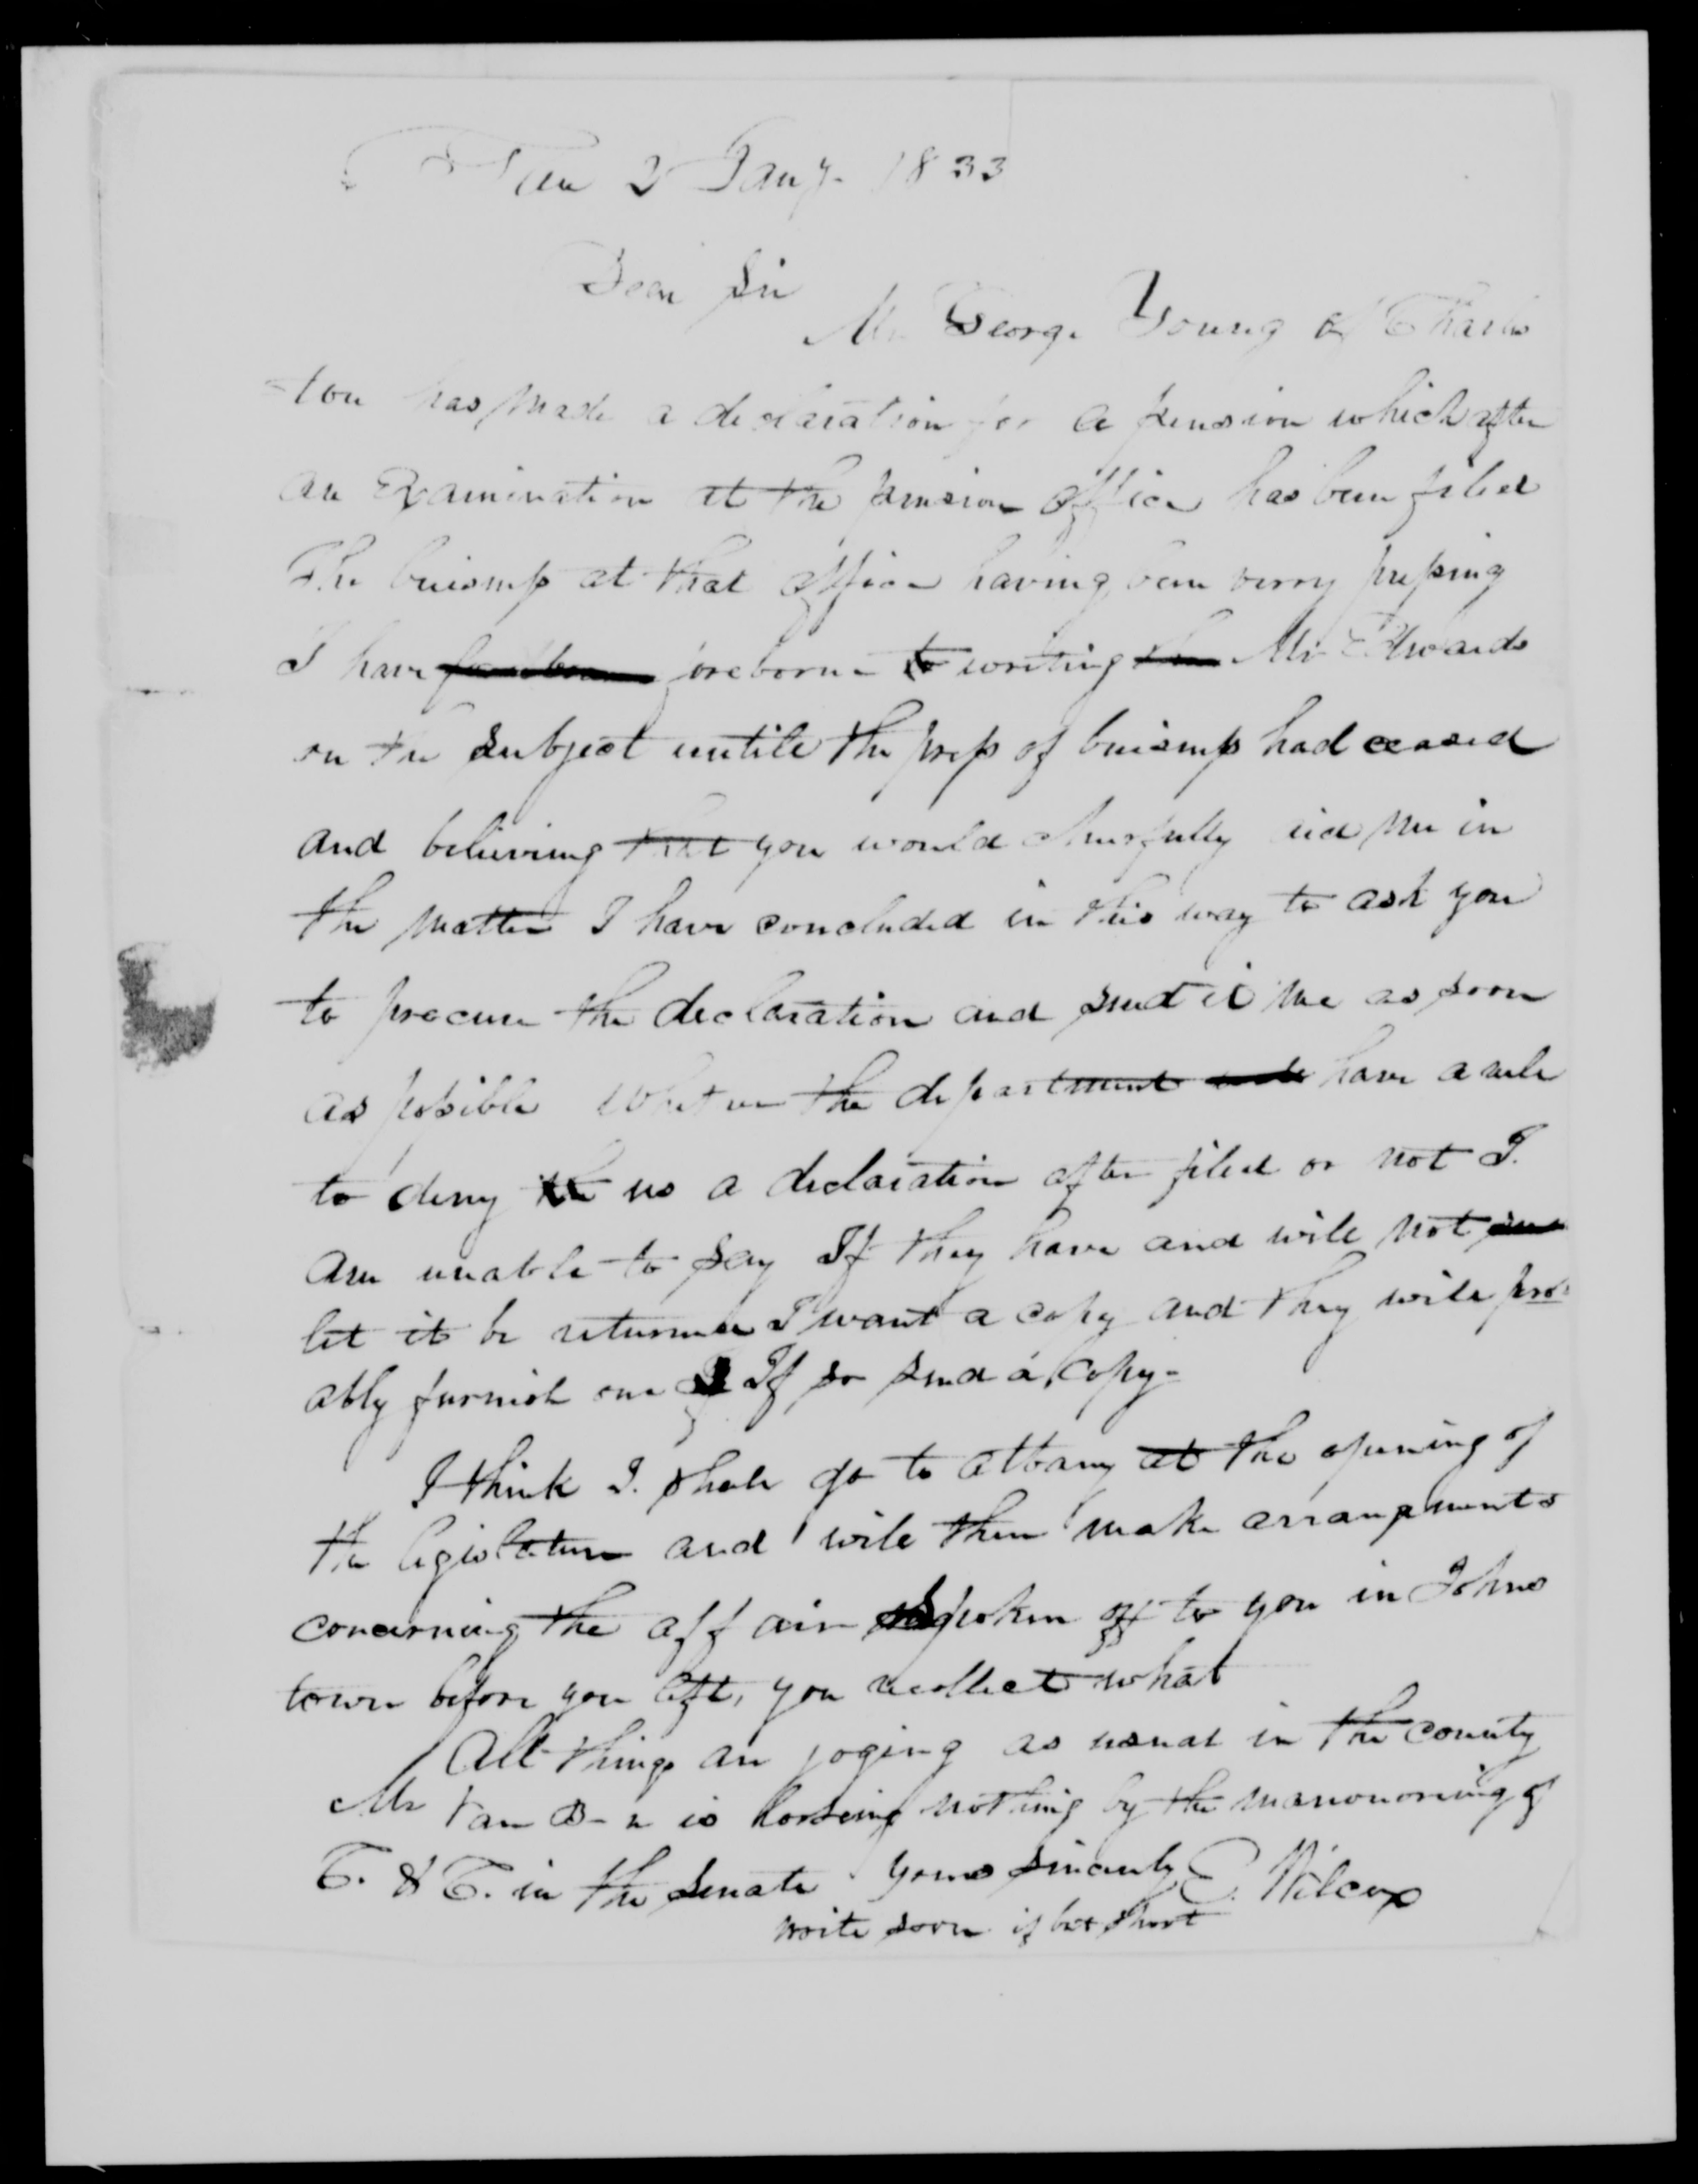2 Jany 1833
Dear Sir
 in Mr George Young at Charleston has made a declaration for a pension which the
in examination in the pension office has been filed
The buisness at that office having been verry messing
have foreborne & writing Edwards
on the subject until the press of business had ceased
and believing you would cheerfully and me in
the matter I have concluded in this way to ask you
to procure the declaration and send in me as soon
as possible to the department have and
to deny us a declaration after filed or not I
am unable to say if they have and will not
let it be returned I want a copy and they will proably furnish one of or send a copy
I think I shall go to Albany at the opening of
the legislature and I will then make arrangements
concerning the affair spoken of to you in Johns
town before you left, you recollect what
All things and doing as usual in the County
Mr Van B is housing nothing by the manoring of
in the Senate. Your Sincerely this
write soon if be shortly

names: E Wilcox, George Young, Edwards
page: 51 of 67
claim: widow's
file: W. 7379, George Young, New Jersey